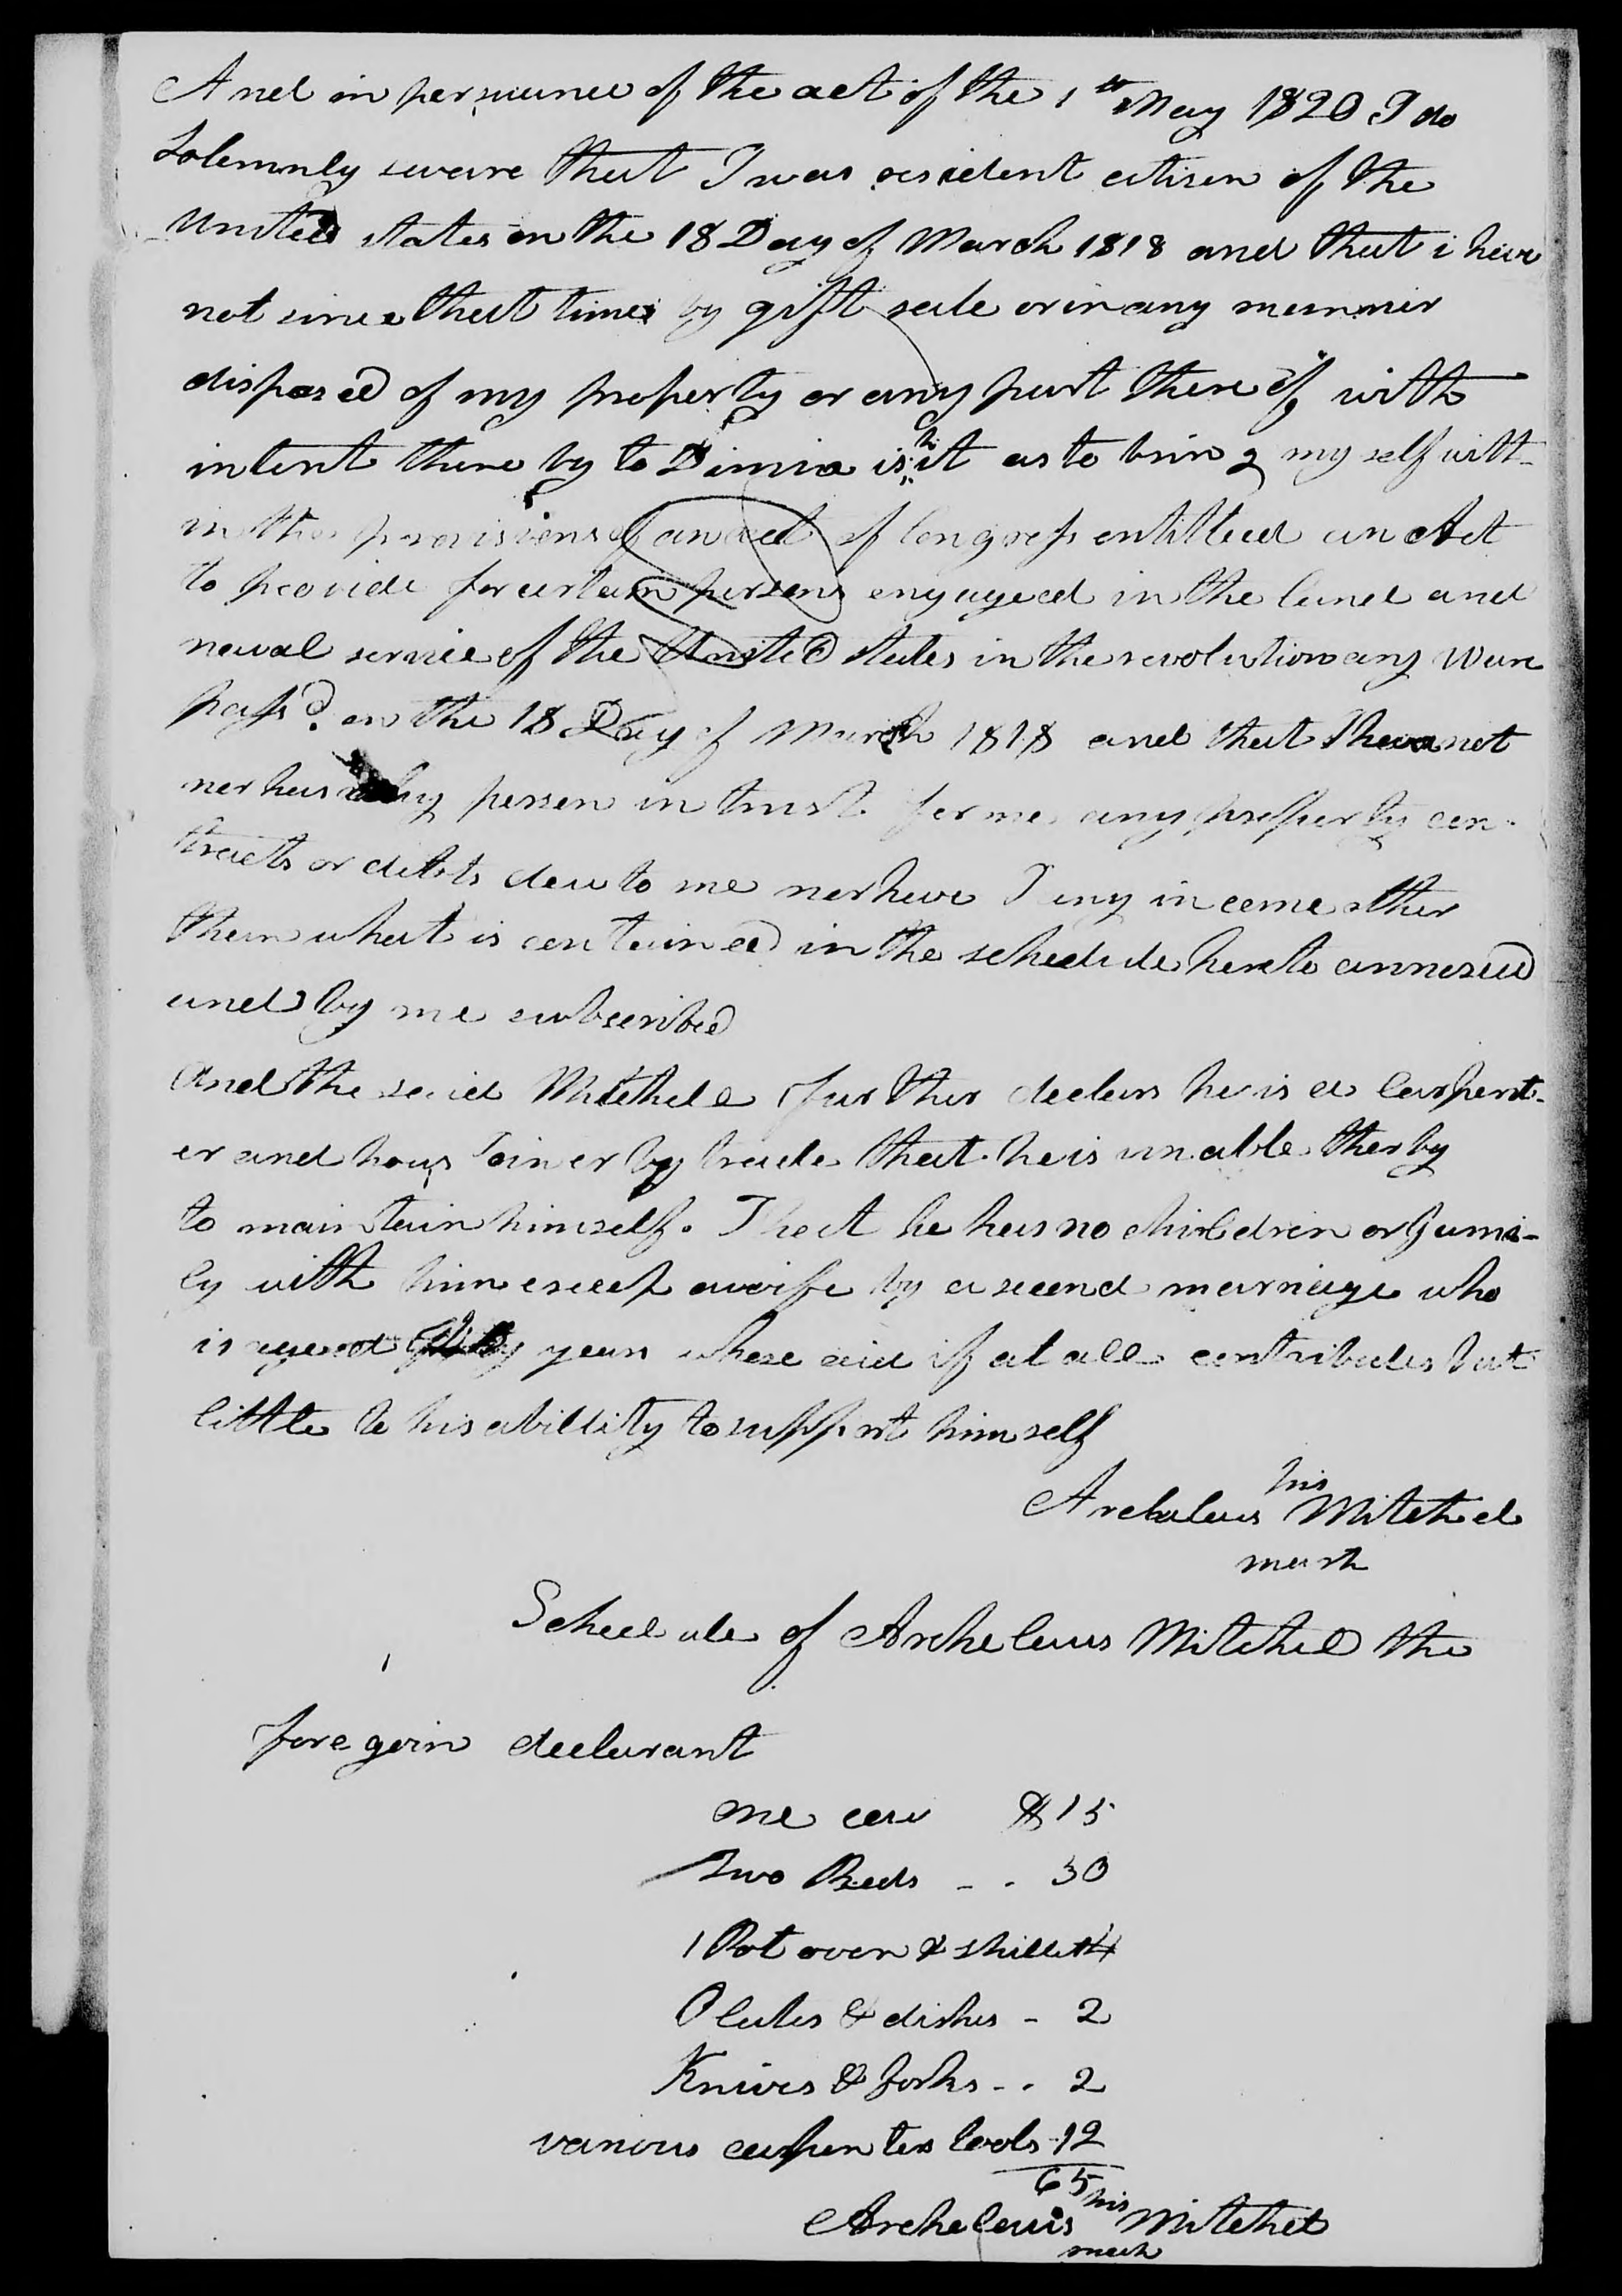And in persuance of the act of the 1ˢᵗ May 1820 I do solomnly sware(sic) that I was resident citizen of the United states on the 18 Day of March 1818 and that i have not since that time by gift sale or in any manner disposed of my property or any part thereof with intent there by to Diminish it as to bring myself within the provisions of an act of Congress entitled an Act to provide for certain persons engaged in the land and naval service of the United States in the revolutionary War passᵈ on the 18 Day of March 1818 and that I have not nor has any person in trust for me any property contracts or debts due to me nor have I any income other than what is contained in the schedule hereto annexed and by me subscribed

and the said Mitchell further declares he is a carpenter and [illegible] joiner by trade that he is unable thereby to maintain himself. That he has no children or family with him except a wife by a second marriage who is aged Fifty years whose aid if at all contributes but little to his abillity(sic) to support himself

Archelaus Mitchell   his mark

Schedule of Archelaus Mitchel(sic) the foregoin(sic) declarant

one [illegible] $15
Two Beds _ _ 30
1 Pot oven & skillet 4
Plates & dishes _ 2
Knives & forks _ _ 2
various carpenters tools _ 12
65

Archelaus Mitchel(sic)  his mark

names: Archelaus Mitchel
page: 8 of 23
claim: survivor's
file: S. 38226, for Archelaus Mitchell, Virginia